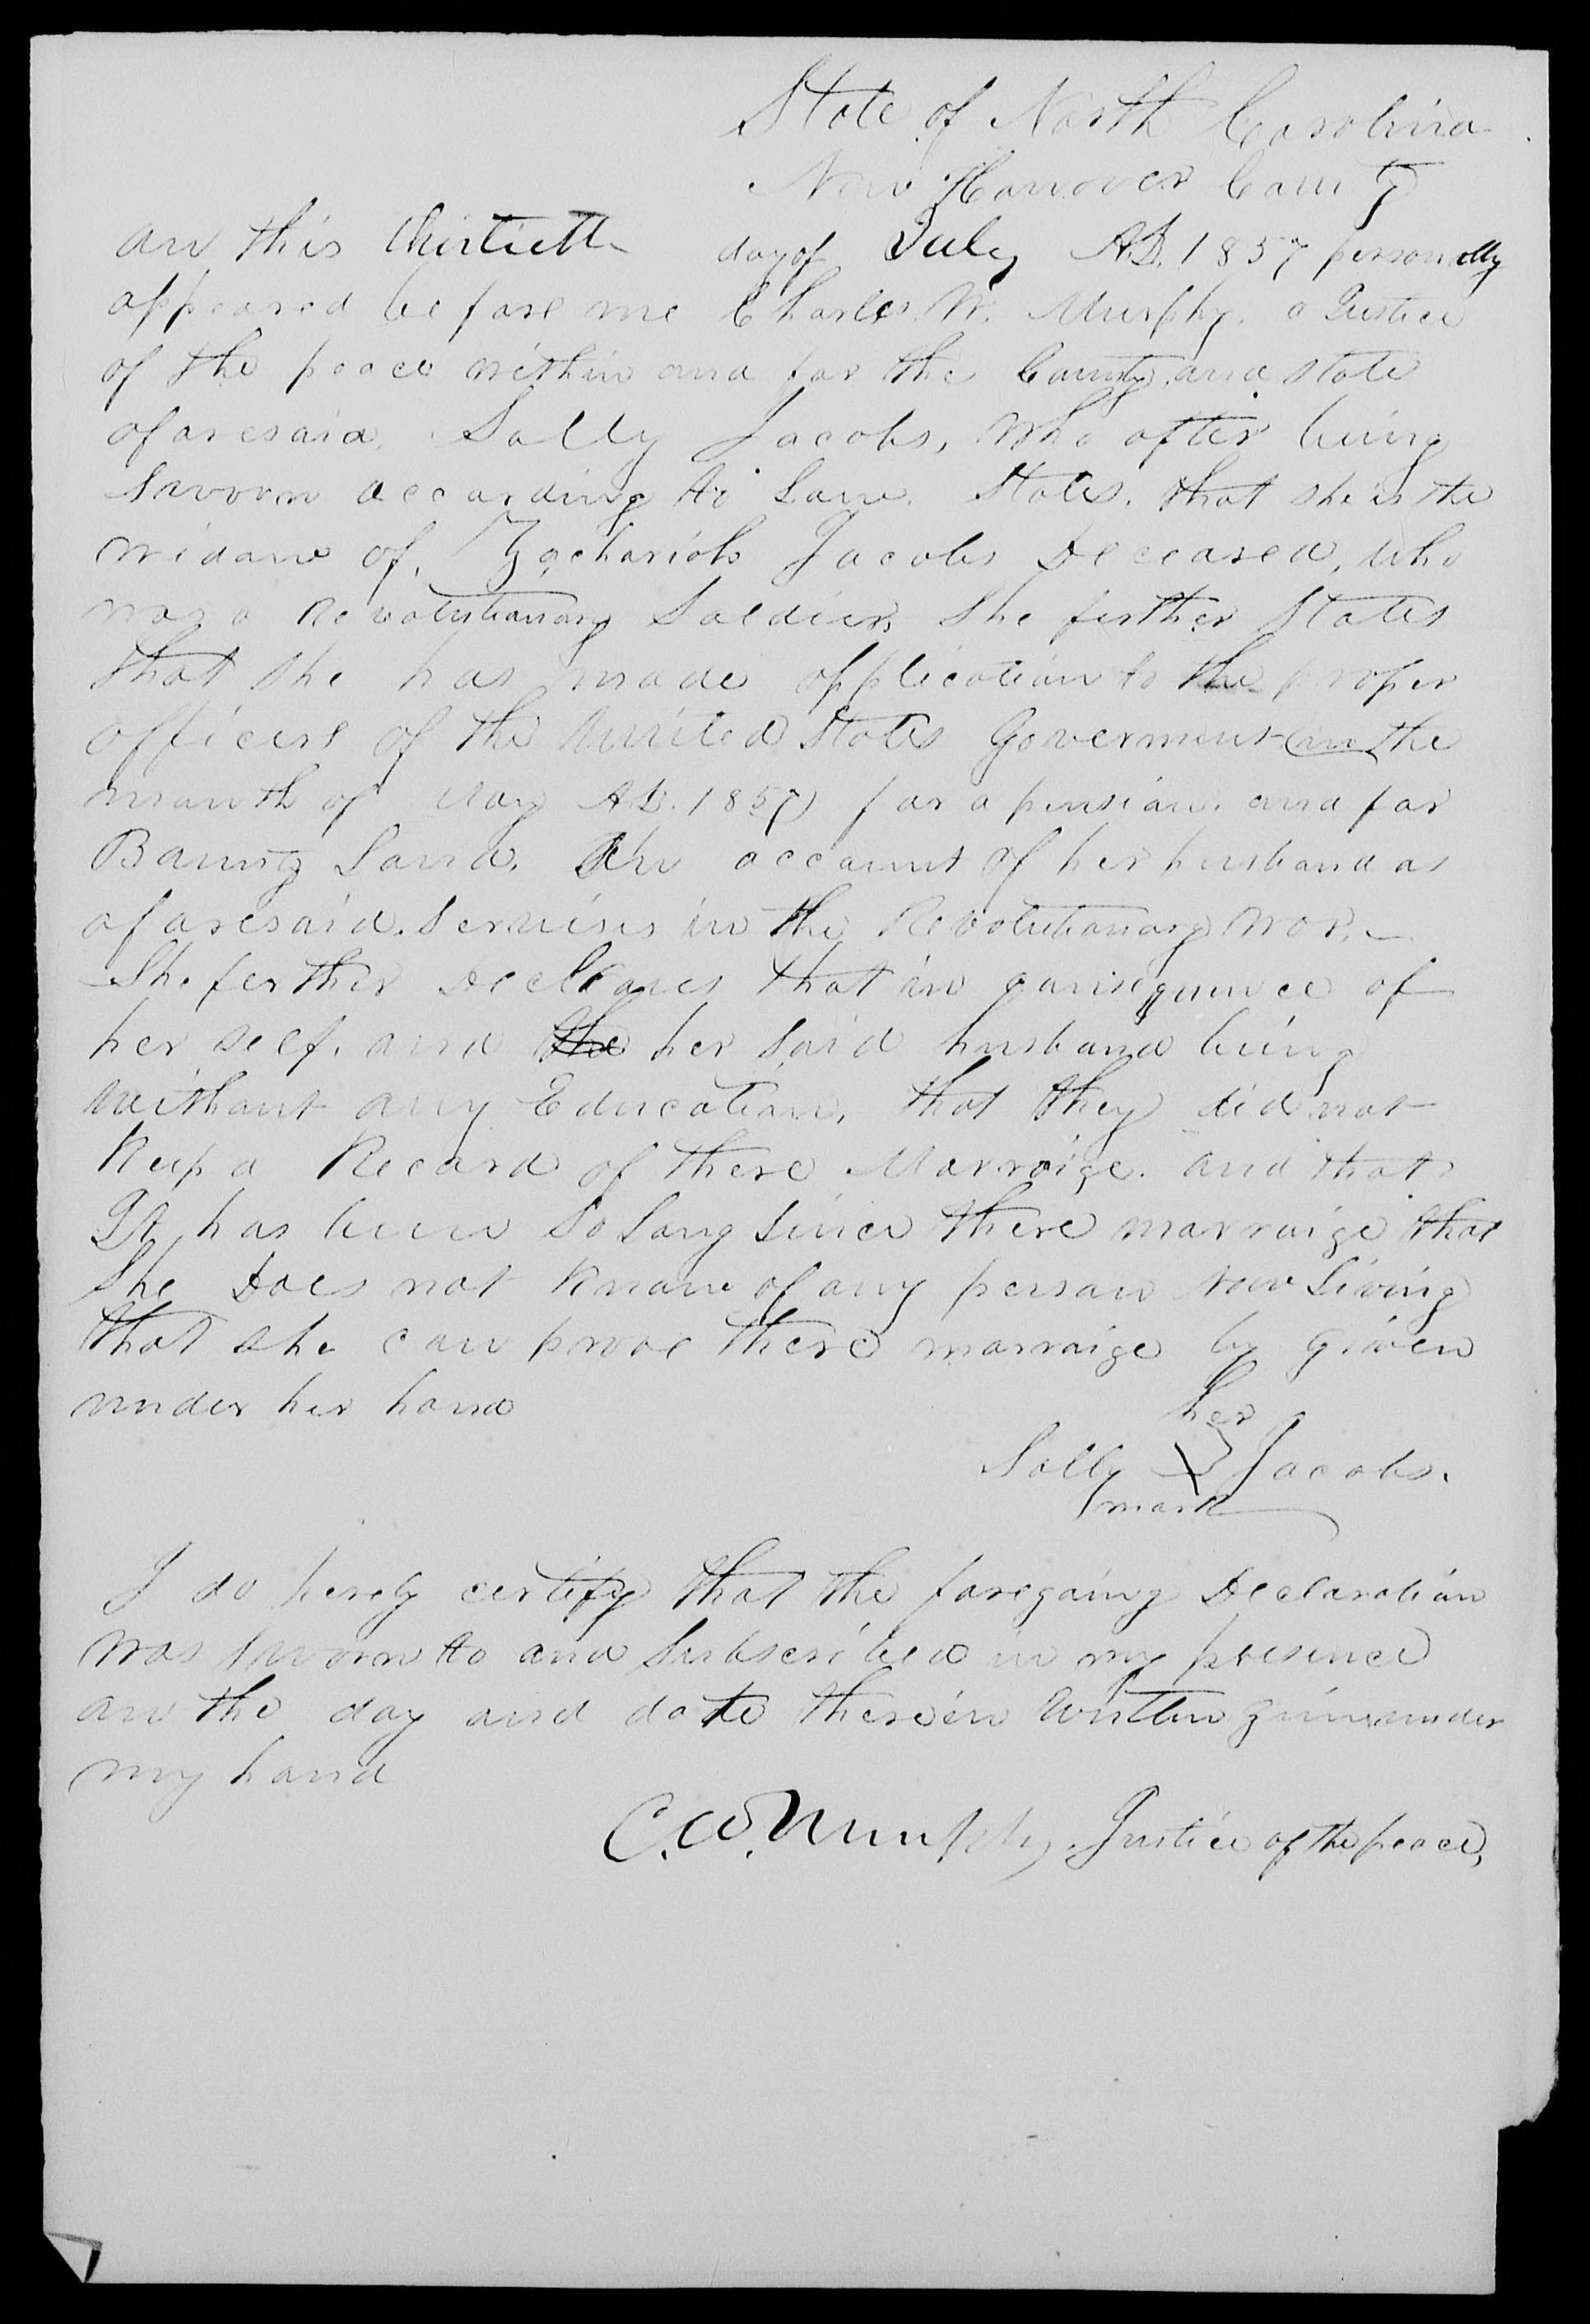State of North Carolina
                               New Hanover County
On this thirtieth day of July A.D. 1857 personally appeared before me Charlie W. Murphy a Justice of the peace within and for the County and State aforesaid.  Sally Jacobs, who after being sworn according to Law, States that she is the widow of Zachariah Jacobs Deceased, who was a Revolutionary Soldier  She further States that she has made application to the proper offices of the United States Government in the month of May AD. 1857 for a pension and for Bounty Land On account of her husband as aforesaid Services in the Revolutionary War  She further Declares that in consequence of her self, and [the word"the" is crossed out] her Said husband being without any education, that they did not Keep a Record of there marriage and that It has been So long Since there marriage that she does not know of any person now living that she can prove there marriage by 
         given under her hand             her
                              [Signature] Sally  X  Jacobs
                                                       mark
I do hereby certify that the foregoing Declaration was sworn to and Subscribed in my presence on the day and date therein within given under my hand
[Signature] C.W. Murphy  Justice of the peace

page: 31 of 40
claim: widow's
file: W. 5304, for Zachariah Jacobs, North Carolina